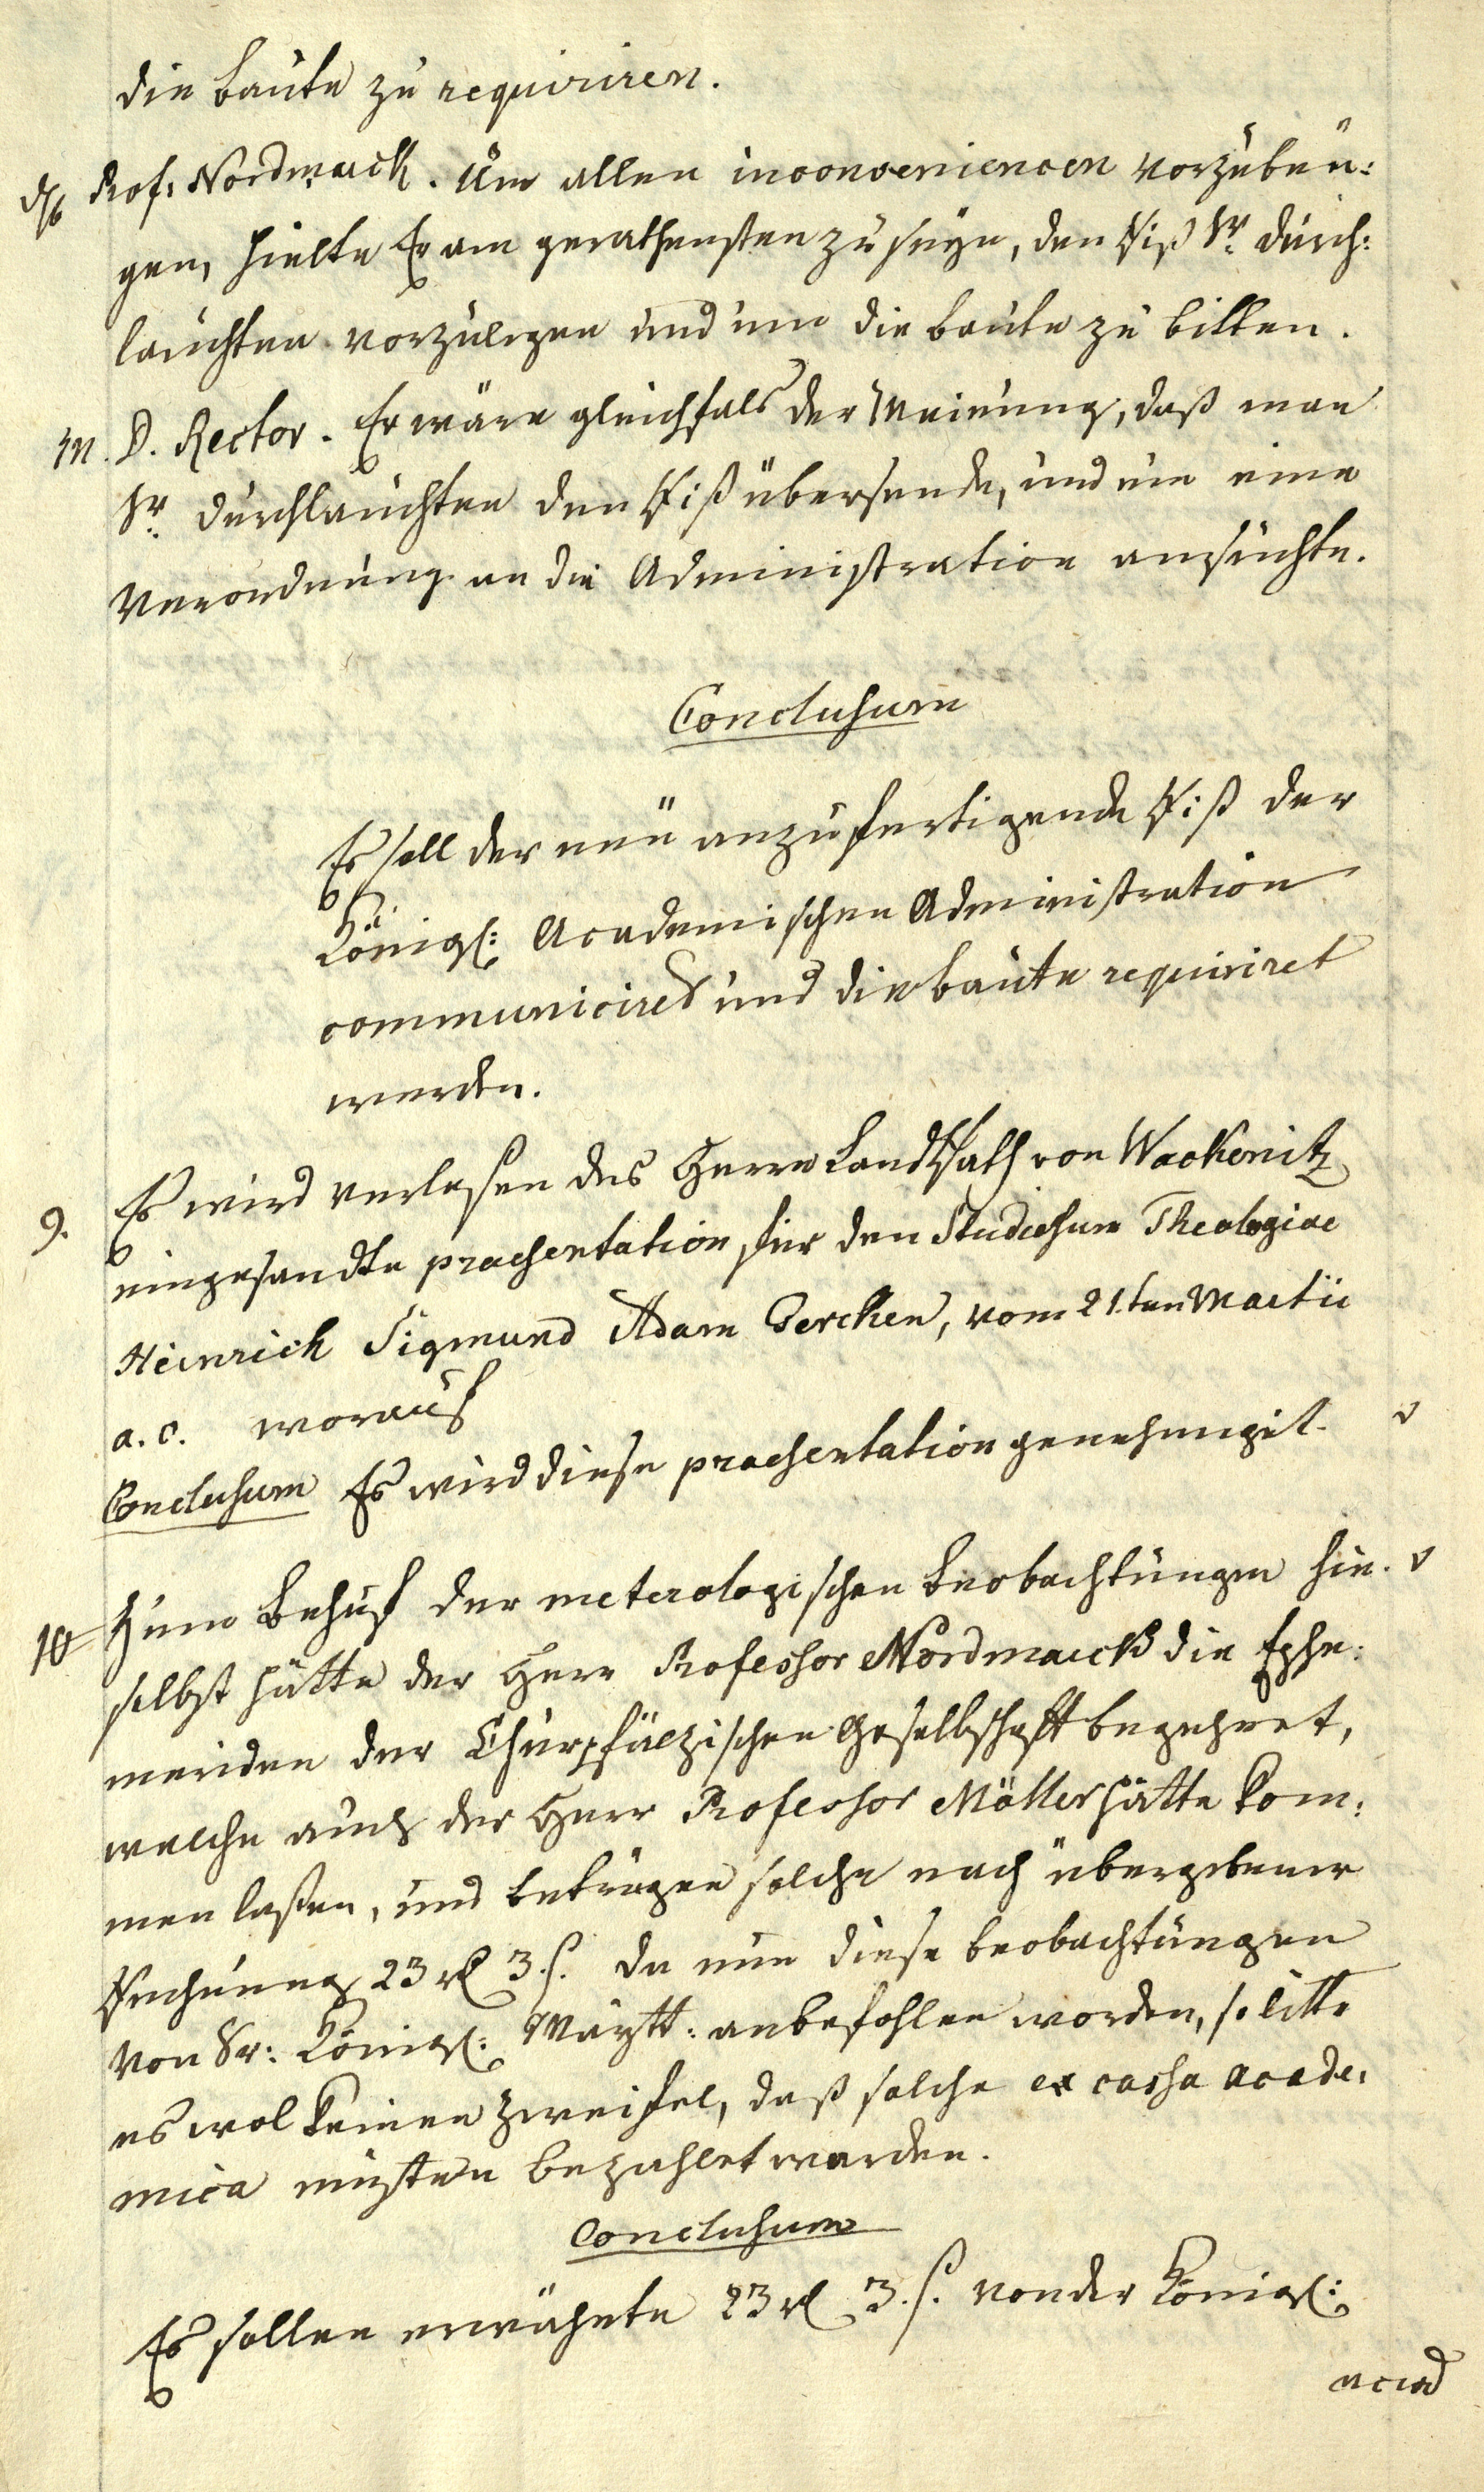die Baute zu requiriren.
dh Prof. Nordmarck. Um allen inconveniencen vorzubeu¬
gen, hielte Er am gerathensten zu seÿn, den Riß Sr Durch¬
lauchten vorzulegen und in die Baute zu bitten.
M. D. Rector. Er wäre gleichfals der Meinung, daß man
Sr. Durchlauchten den Riß übersende, und um eine
Verordnung an die Administration ansuchte.
Conclusum
Es soll der neu anzufertigende Riß der
Königl. Academischen Administration
communiciret und dieBaute requiriret
werden.
9. Es wird verlesen des Herrn LandRath von Wackenitz
eingesandte praesentation für den Studiosum Theologiae
Heinrich Sigmund Adam Gercken, vom 21 ten Martii
a. c. worauf
Conclusum Es wird diese praesentation genehmiget.
10 Zum Behuf der meteorologischen Beobachtungen hie¬
selbst hätte der Herr Professor Nordmarck die Ephe¬
meriden der Churpfälzischen Gesellschaft begehret,
welche auch der Herr Professor Möller hätte kom¬
men laßen, und betrügen solche nach übergebener
Rechnung 23 r. 3 s. da nun diese Beobachtungen
von Sr Königl. Maÿtt. anbefohlen worden, so litte
es wol keinen Zweifel, daß solche ex cassa Acade¬
mica müsten bezahlet werden.
Conclusum
Er sollen erwähnte 23 r. 3 s. von der Königl.
acad